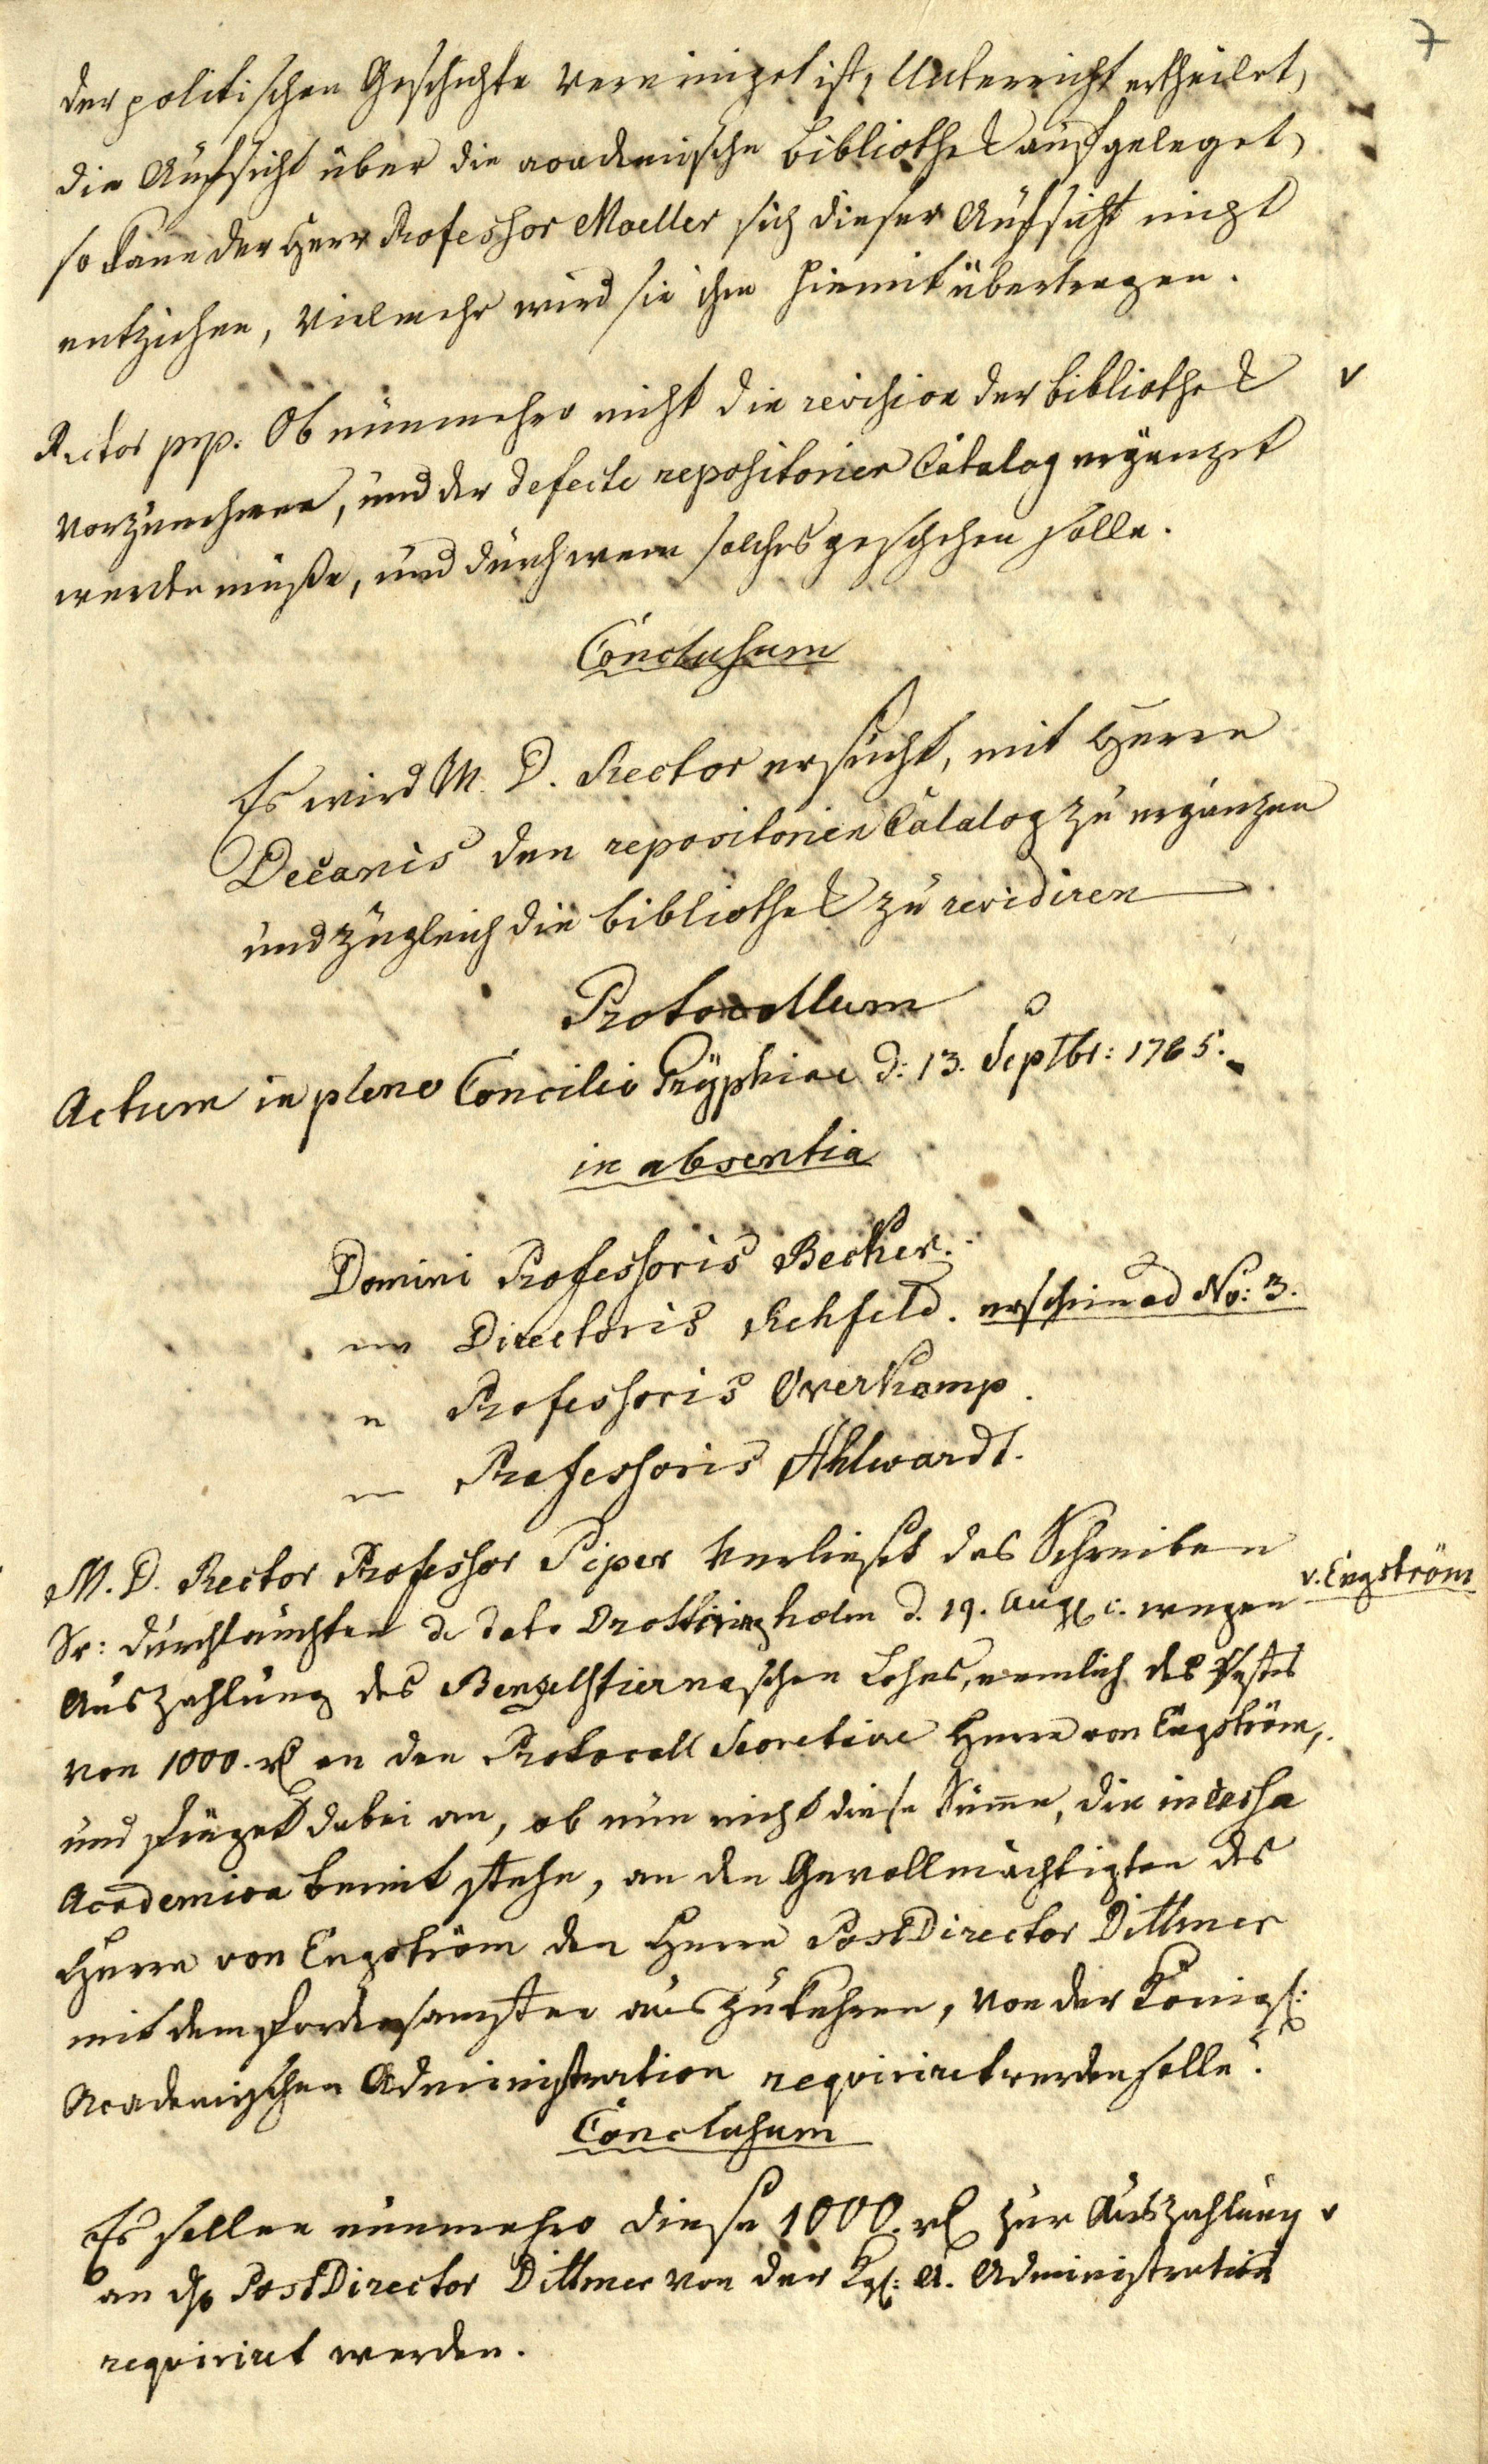der politi schon Geschäfte vereinget ist, Unterricht ertheilet,
die Aufsicht über die academische Bibliothek aufgeleget,
so kann der Herr Professor Möller sich dieser Aufsicht nicht
entziehen, vielmehr wird sie ihm hiemit übertragen.
Rector per. Ob nunmehro nicht die rahion der Bibliothek
vorzunehmen, und der Defecte repositorien Catalog ergangene
werden müßte, und durch werde solches geschehen solle.
Conclusum
Er wird M. D. Rector ersucht, mit Herrn
Decanis den repusrtoren Catalog zu ergangene
und zugleich die Bibliothek zu uridiren
Protocollum
Actum in pleno Concilio Prÿphiae d. 13. S. per. 1785.
in absentia
Domini Professoris Becker.
Directoris Rchfild. sein ad der.
Professoris Overkramp
Professoris Ahlwardt.
.M. D. Rector Professor D per verlieset das Schreiben
Sr Durchlaucht 2. dato Drottigifiolm die 19. lange. . wegen
Auszahlung des Benzelstirnaschen Lohns, nemlich des Rostock
von 1000 rt in den Protocoll Secretaire Herrn von Cagström
und fräget dabei an, ob nun nicht diese Stimme, die ndesta
Academica bei stehe, an den Gevollmächtigten da
Herrn von Engetröm den Herrn Postdirector Ditlmer
mit dem fordersamsten aus zukehren, von der Königl.
Academischen Administration requiriret werden solle?
Conclusum
Es sollen nunmehro diese 1000. rt zur Auszahlung
an dh PostDirector Dittmer von der Kgl. A. Administration
requiriret werden.